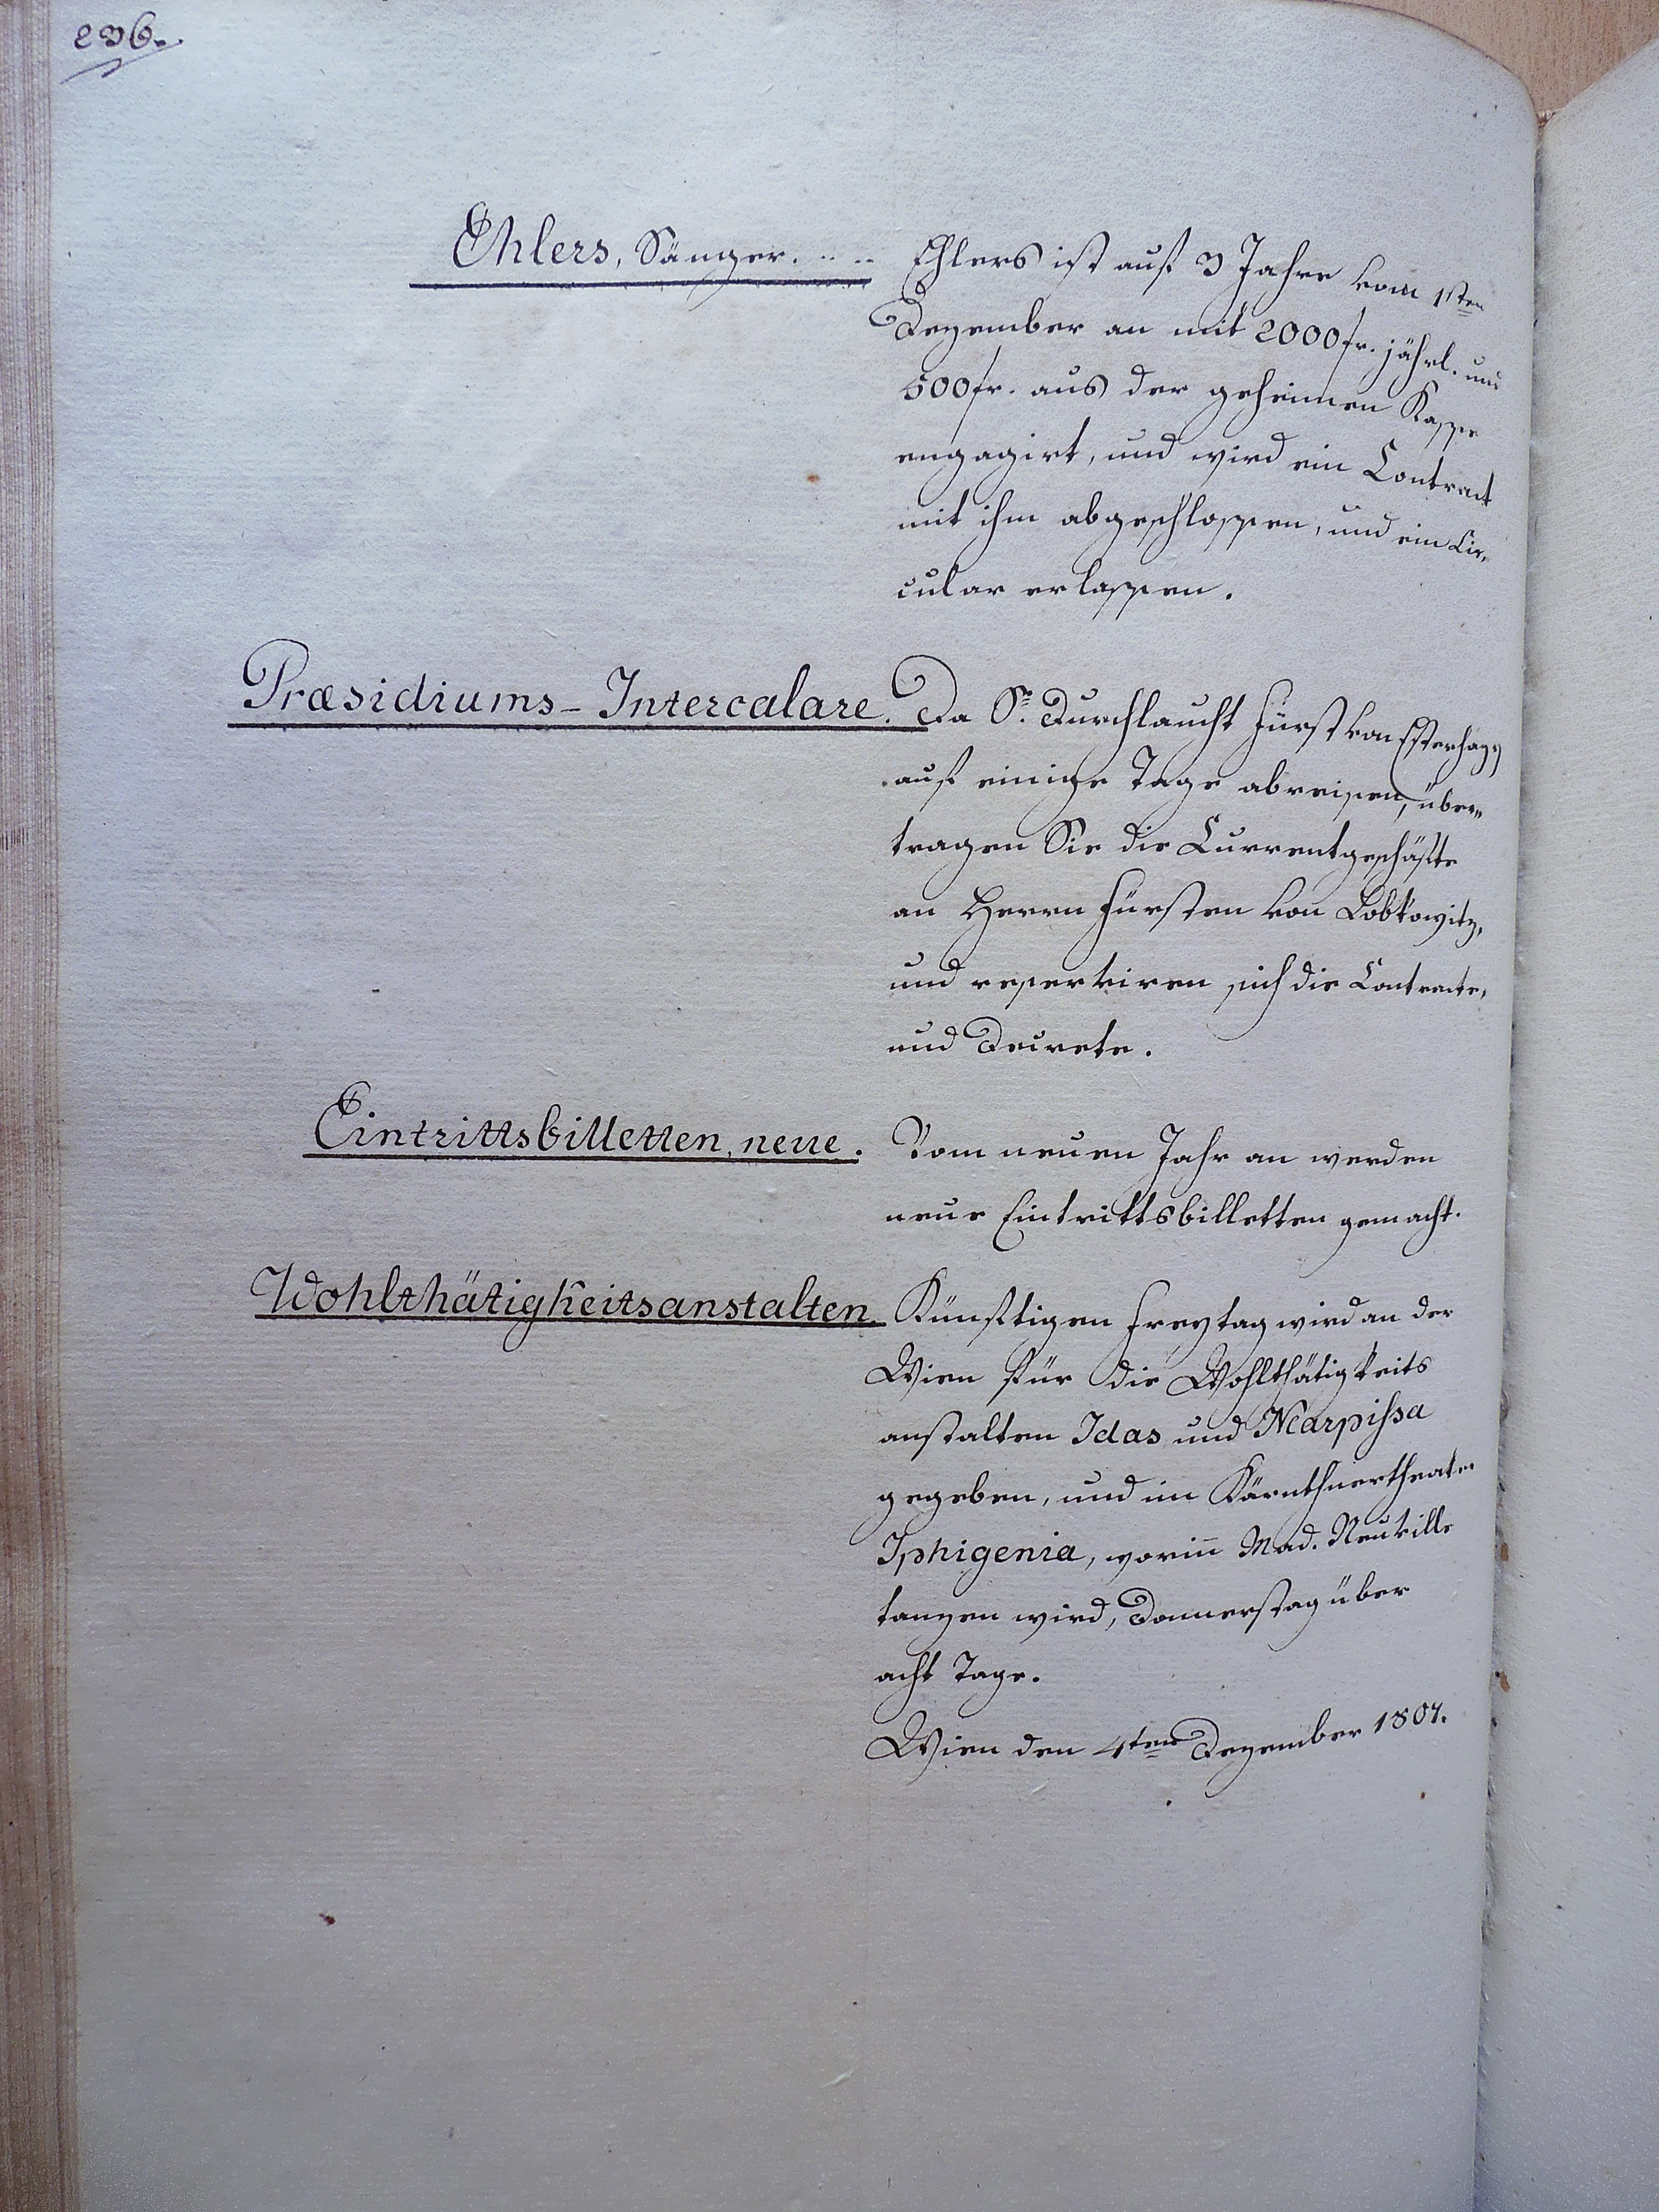236.
Ehlers, Sänger. .. .. Ehlers ist auf 3 Jahre vom 1ste͇n
Dezember an mit 2000fr. Jährl, um
500fr. aus der geheimen Kasse
engagirt, und wird ein Contract
mit ihm abgeschlossen, und ein Cir¬
cular erlassen.
Præsidiums-Intercalare. Da Se͇. Durchlaucht Fürst von Esterházy
auf einige Tage abreisen, über¬
tragen Sie die Currentgeschäfte
an Herrn Fürsten von Lobkowitz,
und reserviren sich die Contracte,
und Decrete.
Eintrittsbilletten, neue. Vom neuen Jahr an werden
neue Eintrittsbilletten gemacht.
Wohlthätigkeitsanstalten. Künftigen Freytag wird an der
Wien für die Wohlthätigkeits
anstalten Idas ud Marpissa
gegeben, und im Kärnthnertheate
Iphigenia, worin̅ Mad. Neuville
tanzen wird, Donnerstag über
acht Tage.
Wien den 4te͇n Dezember 1807.